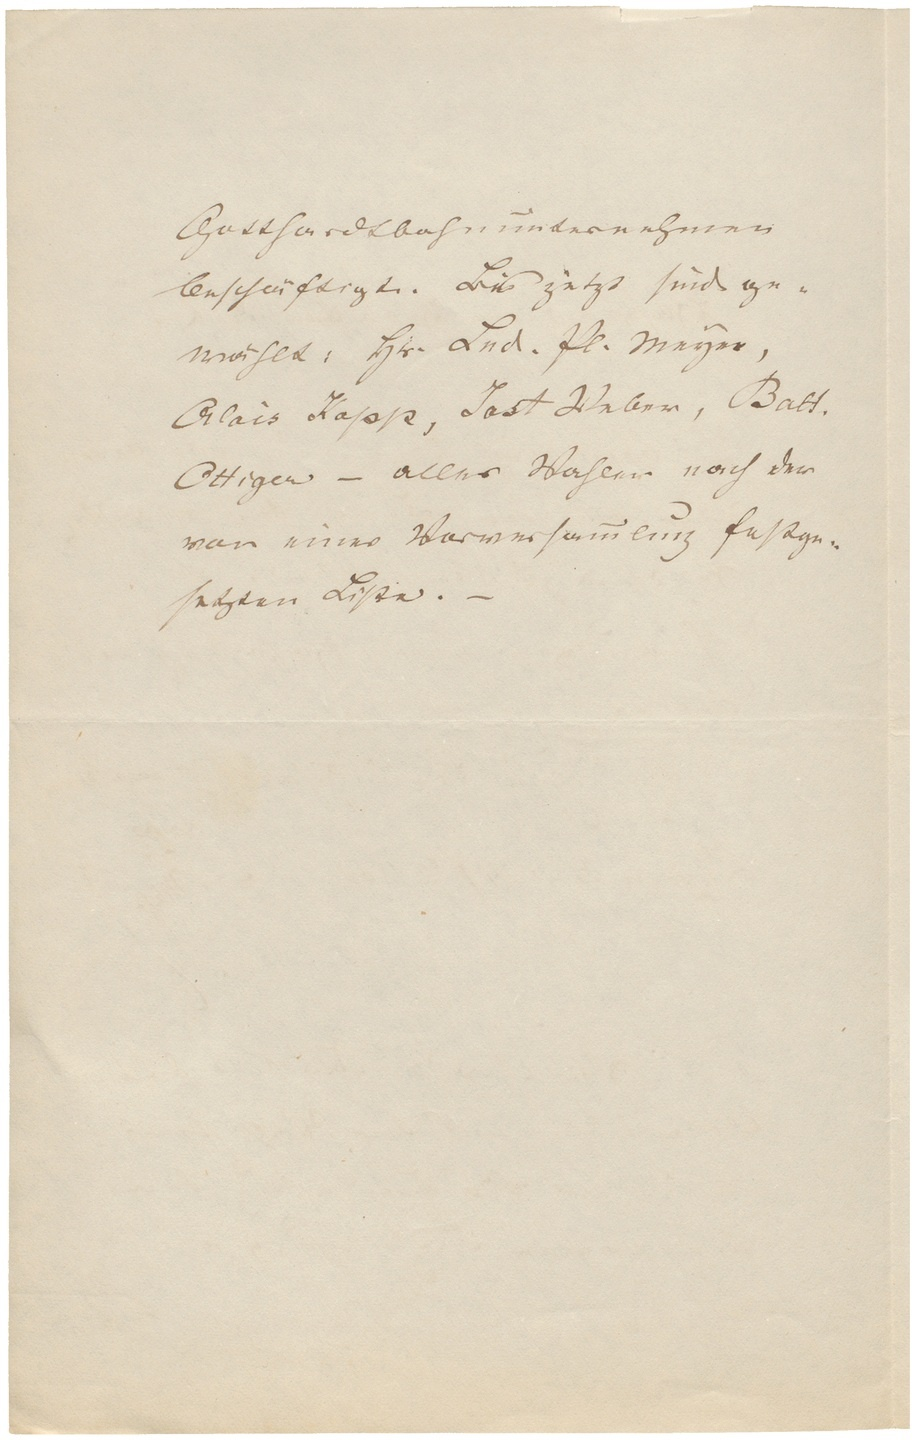Gotthardtbahnunternehmen
beschäftigt. Bis jetzt sind ge-
wählt: Hr. Lud. Pl. Meyer,
Alois Kopp, Jost Weber, Balt.
Ottiger – alles Wahlen nach der
von einer Vorversammlung festge-
setzten Liste. –